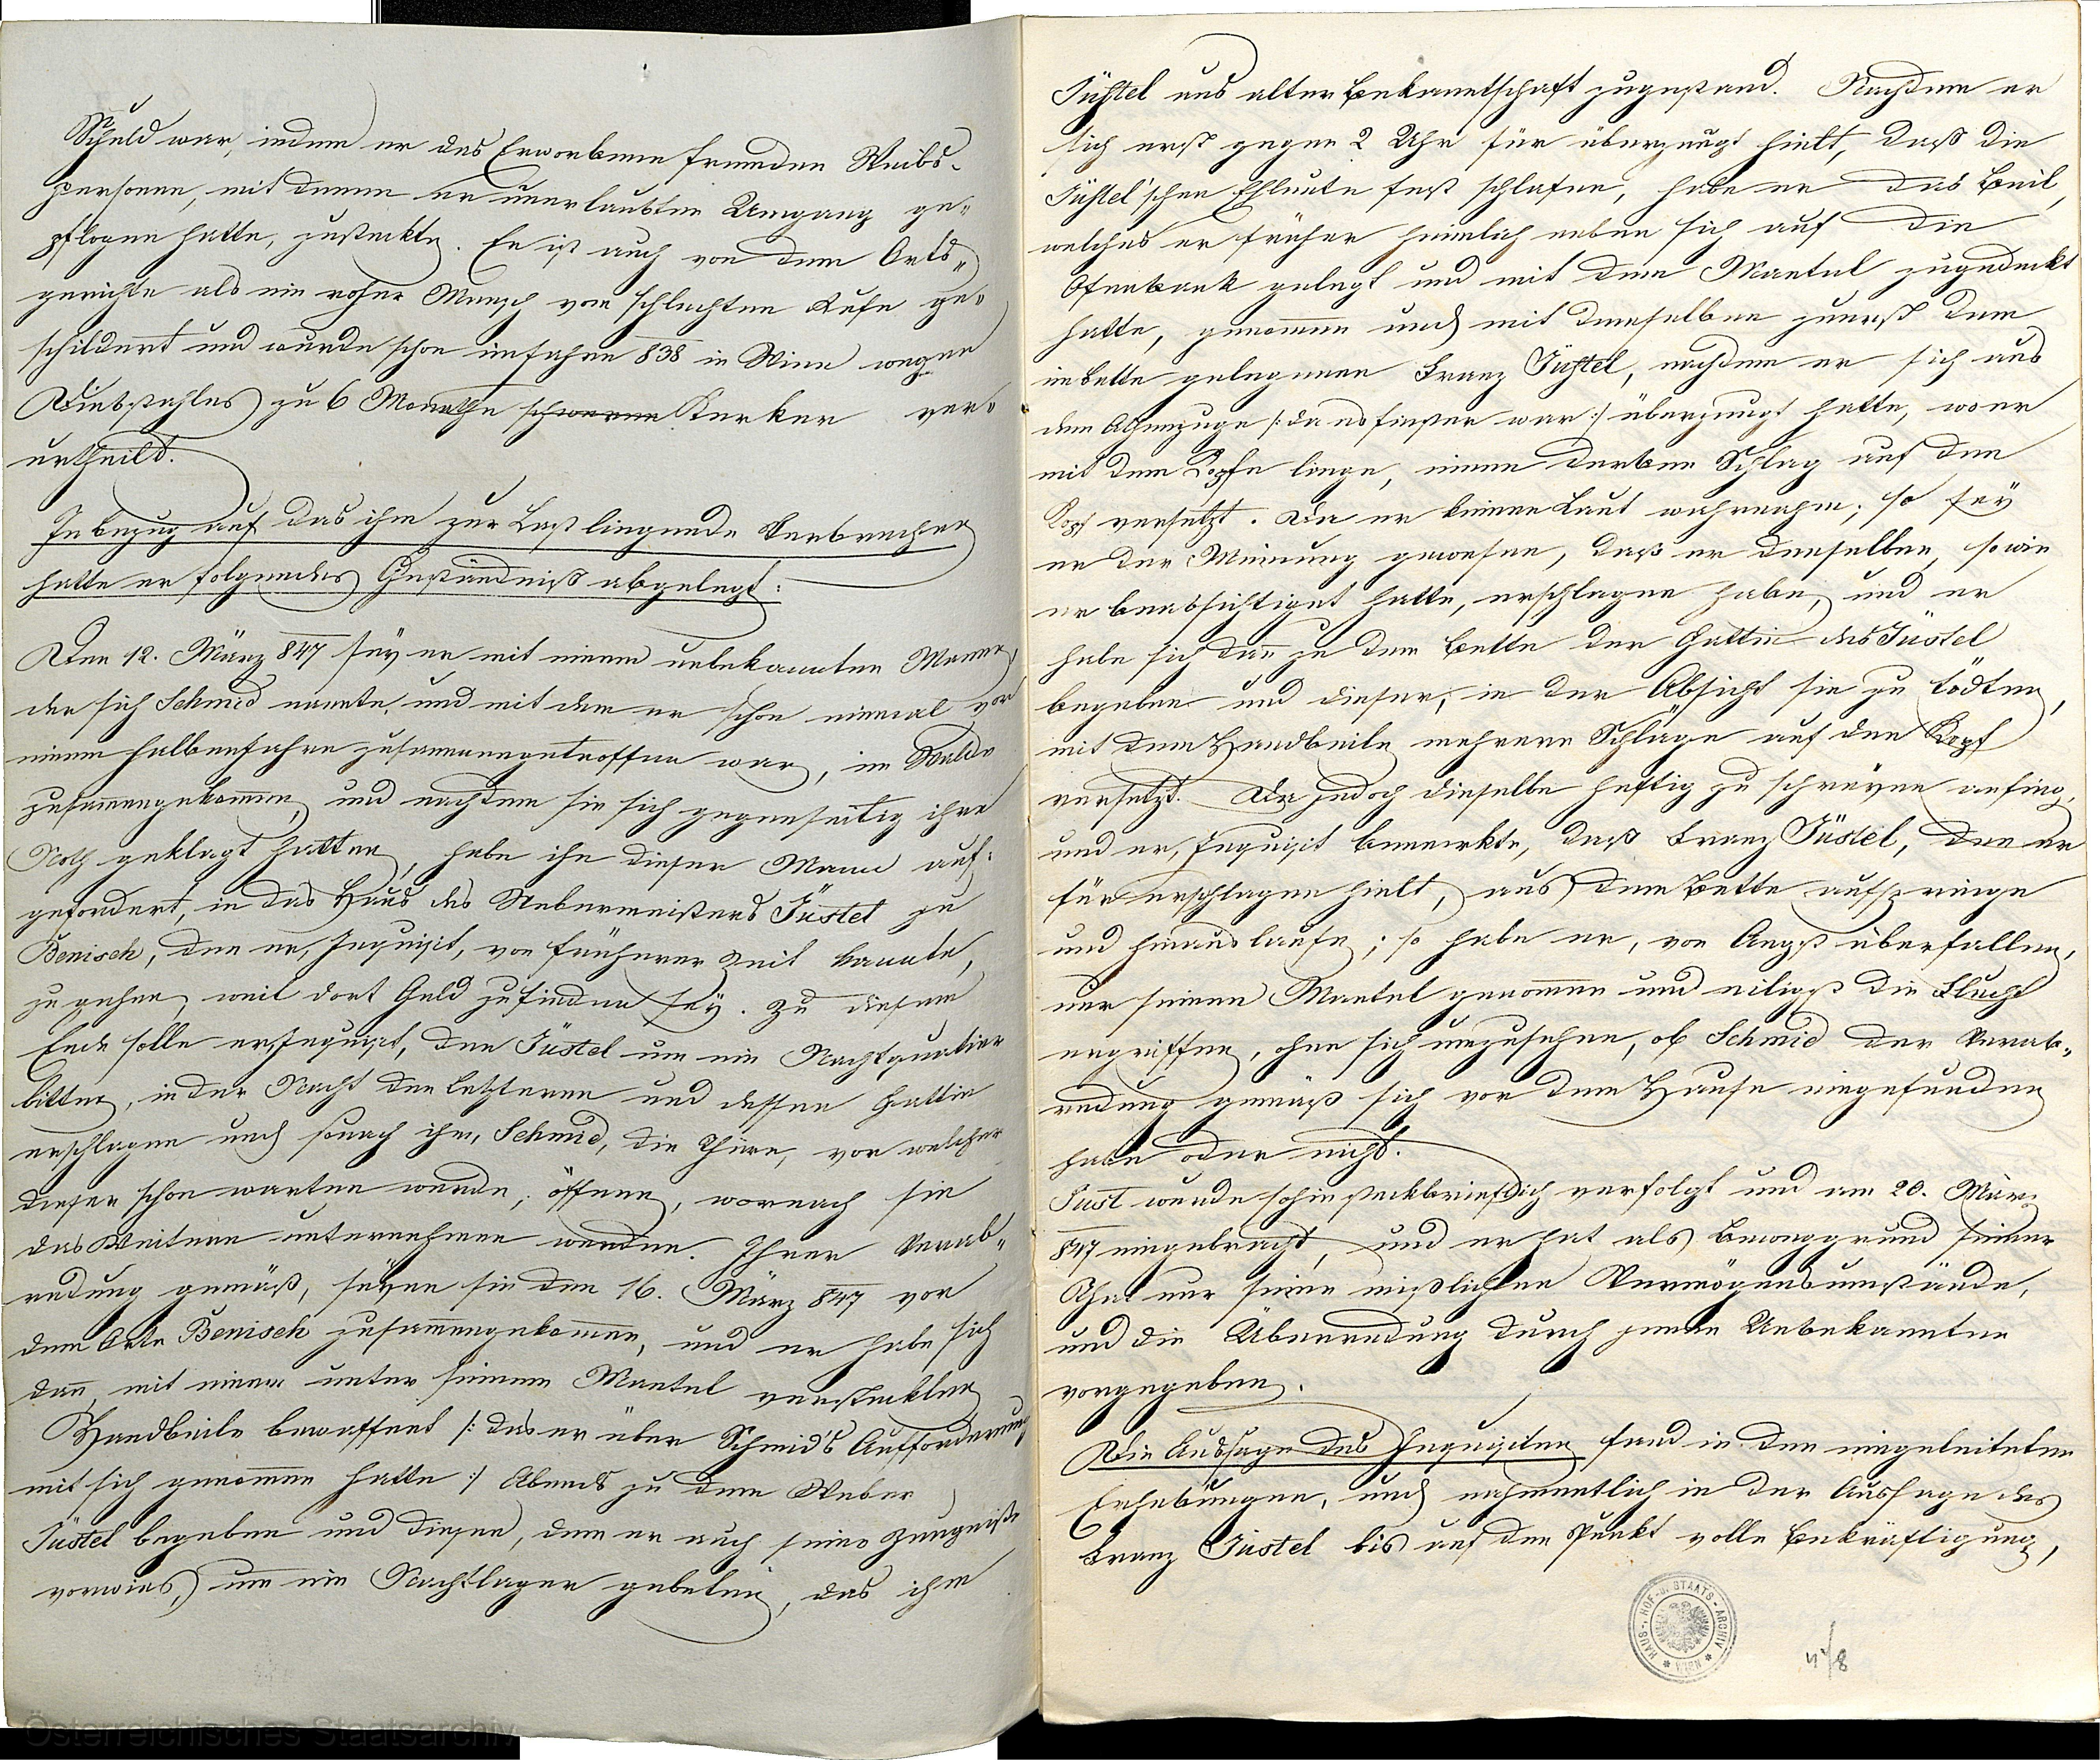Schuld war, indem er des Erworbene fremden Weibs¬
personen, mit denen er unerlaubter Umgang ge¬
pflogen hatte, zusteckte. Er ist auch von dem Orts¬
gerichte als ein roher Mensch von schlechten Rufe ge¬
schildert und wurde schon im Jahre 1838 in Wien wegen
Diebstahles zu 6 Monathe schweren Kerker ver¬
urtheilt.
In Bezug auf das ihm zur Last liegende Verbrechen
hatte er folgendes Geständniß abgelegt:
Am 12. März 1847 sey er mit einem unbekannten Manne
der sich Schmid nannte, und mit dem er schon einmal vor
einem halben Jahre zusammengetroffen war, im Walde
zusammengekommen, und nachdem sie sich gegenseitig ihre
Noth geklagt hatten, habe ihn dieser Mann auf¬
gefordert, in das Haus des Webermeisters Jüstel zu
Benisek, den er, Inquisit, von früherer Zeit kannte,
zu gehen, weil dort Geld zu finden sey. Zu diesem
Ende solle er, Inquisit, den Jüstel um ein Nachtquartier
bitten, in der Nacht den letzteren und dessen Gattin
erschlagen auch sonach ihm, Schmid, die Thüre, vor welcher
dieser schon warten werde, öffnen, wornach sie
das Weitere unternehmen werden. Ihrer Verab¬
redung gemäß, seyen sie dem 16. März 1847 vor
dem Orte Benisch zusammengekommen, und er habe sich
dann, mit einem unter seinem Mantel versteckter
Handbeile bewaffnet (das er über Schmid’s Aufforderung
mit sich genommen hatte) Abends zu dem Weber
Jüstel begeben und diesen, dem er auch seine Zeugniße
vorwies, um ein Nachtlager gebeten, das ihm
Jüstel aus alter Bekanntschaft zugestand. Nachdem er
sich erst gegen 2 Uhr für überzeugt hielt, daß die
Jüstel’schen Eheleute fest schlafen, habe er das Beil
welches er früher heimlich neben sich auf die
Ofenbank gelegt und mit dem Mantel zugedeckt
hatte, genommen auch mit demselben zuerst dem
im Bette gelegenen Franz Jüstel, nachdem er sich aus
dem Athemzuge (da es finster war) überzeugt hatte, wo er
mit dem Kopfe liege, einen derben Schlag auf dem
Kopf versetzt. Da er keinen Laut wahrnahm; so sey
er der Meinung gewesen, daß er demselben, sowie
er beabsichtiget hatte, erschlagen habe, und er
habe sich denn zu dem Bette der Gattin des Jüstel
begeben und dieser, in der Absicht sie zu tödten,
mit dem Handbeile mehrere Schläge auf den Kopf
versetzt. Da jedoch dieselbe heftig zu schreyen anfing,
und er, Inquisit bemerkte, daß Franz Jüstel, dem er
für erschlagen hielt, aus dem Bette aufspringe
und hinauslaufe; so habe er, von Angst überfallen,
nur seinen Mantel genommen und eiligs die Flucht
ergriffen, ohne sich umzusehen, ob Schmid der Verab¬
redung gemäß sich vor dem Hause eingefunden
habe oder nicht.
Just wurde sohin steckbrieflich verfolgt und am 20. März
1847 eingebracht, und er hat als Beweggrund seiner
That nur seine mißlichen Vermögensumstände,
und die Überredung durch jenen Unbekannter
vorgegeben.
Die Aussage des Inquisiten fand in dem eingeleiteter
Erhebungen, auch nahmentlich in der Aussage des
Franz Jüstel bis auf dem Punkt volle Bekräftigung,